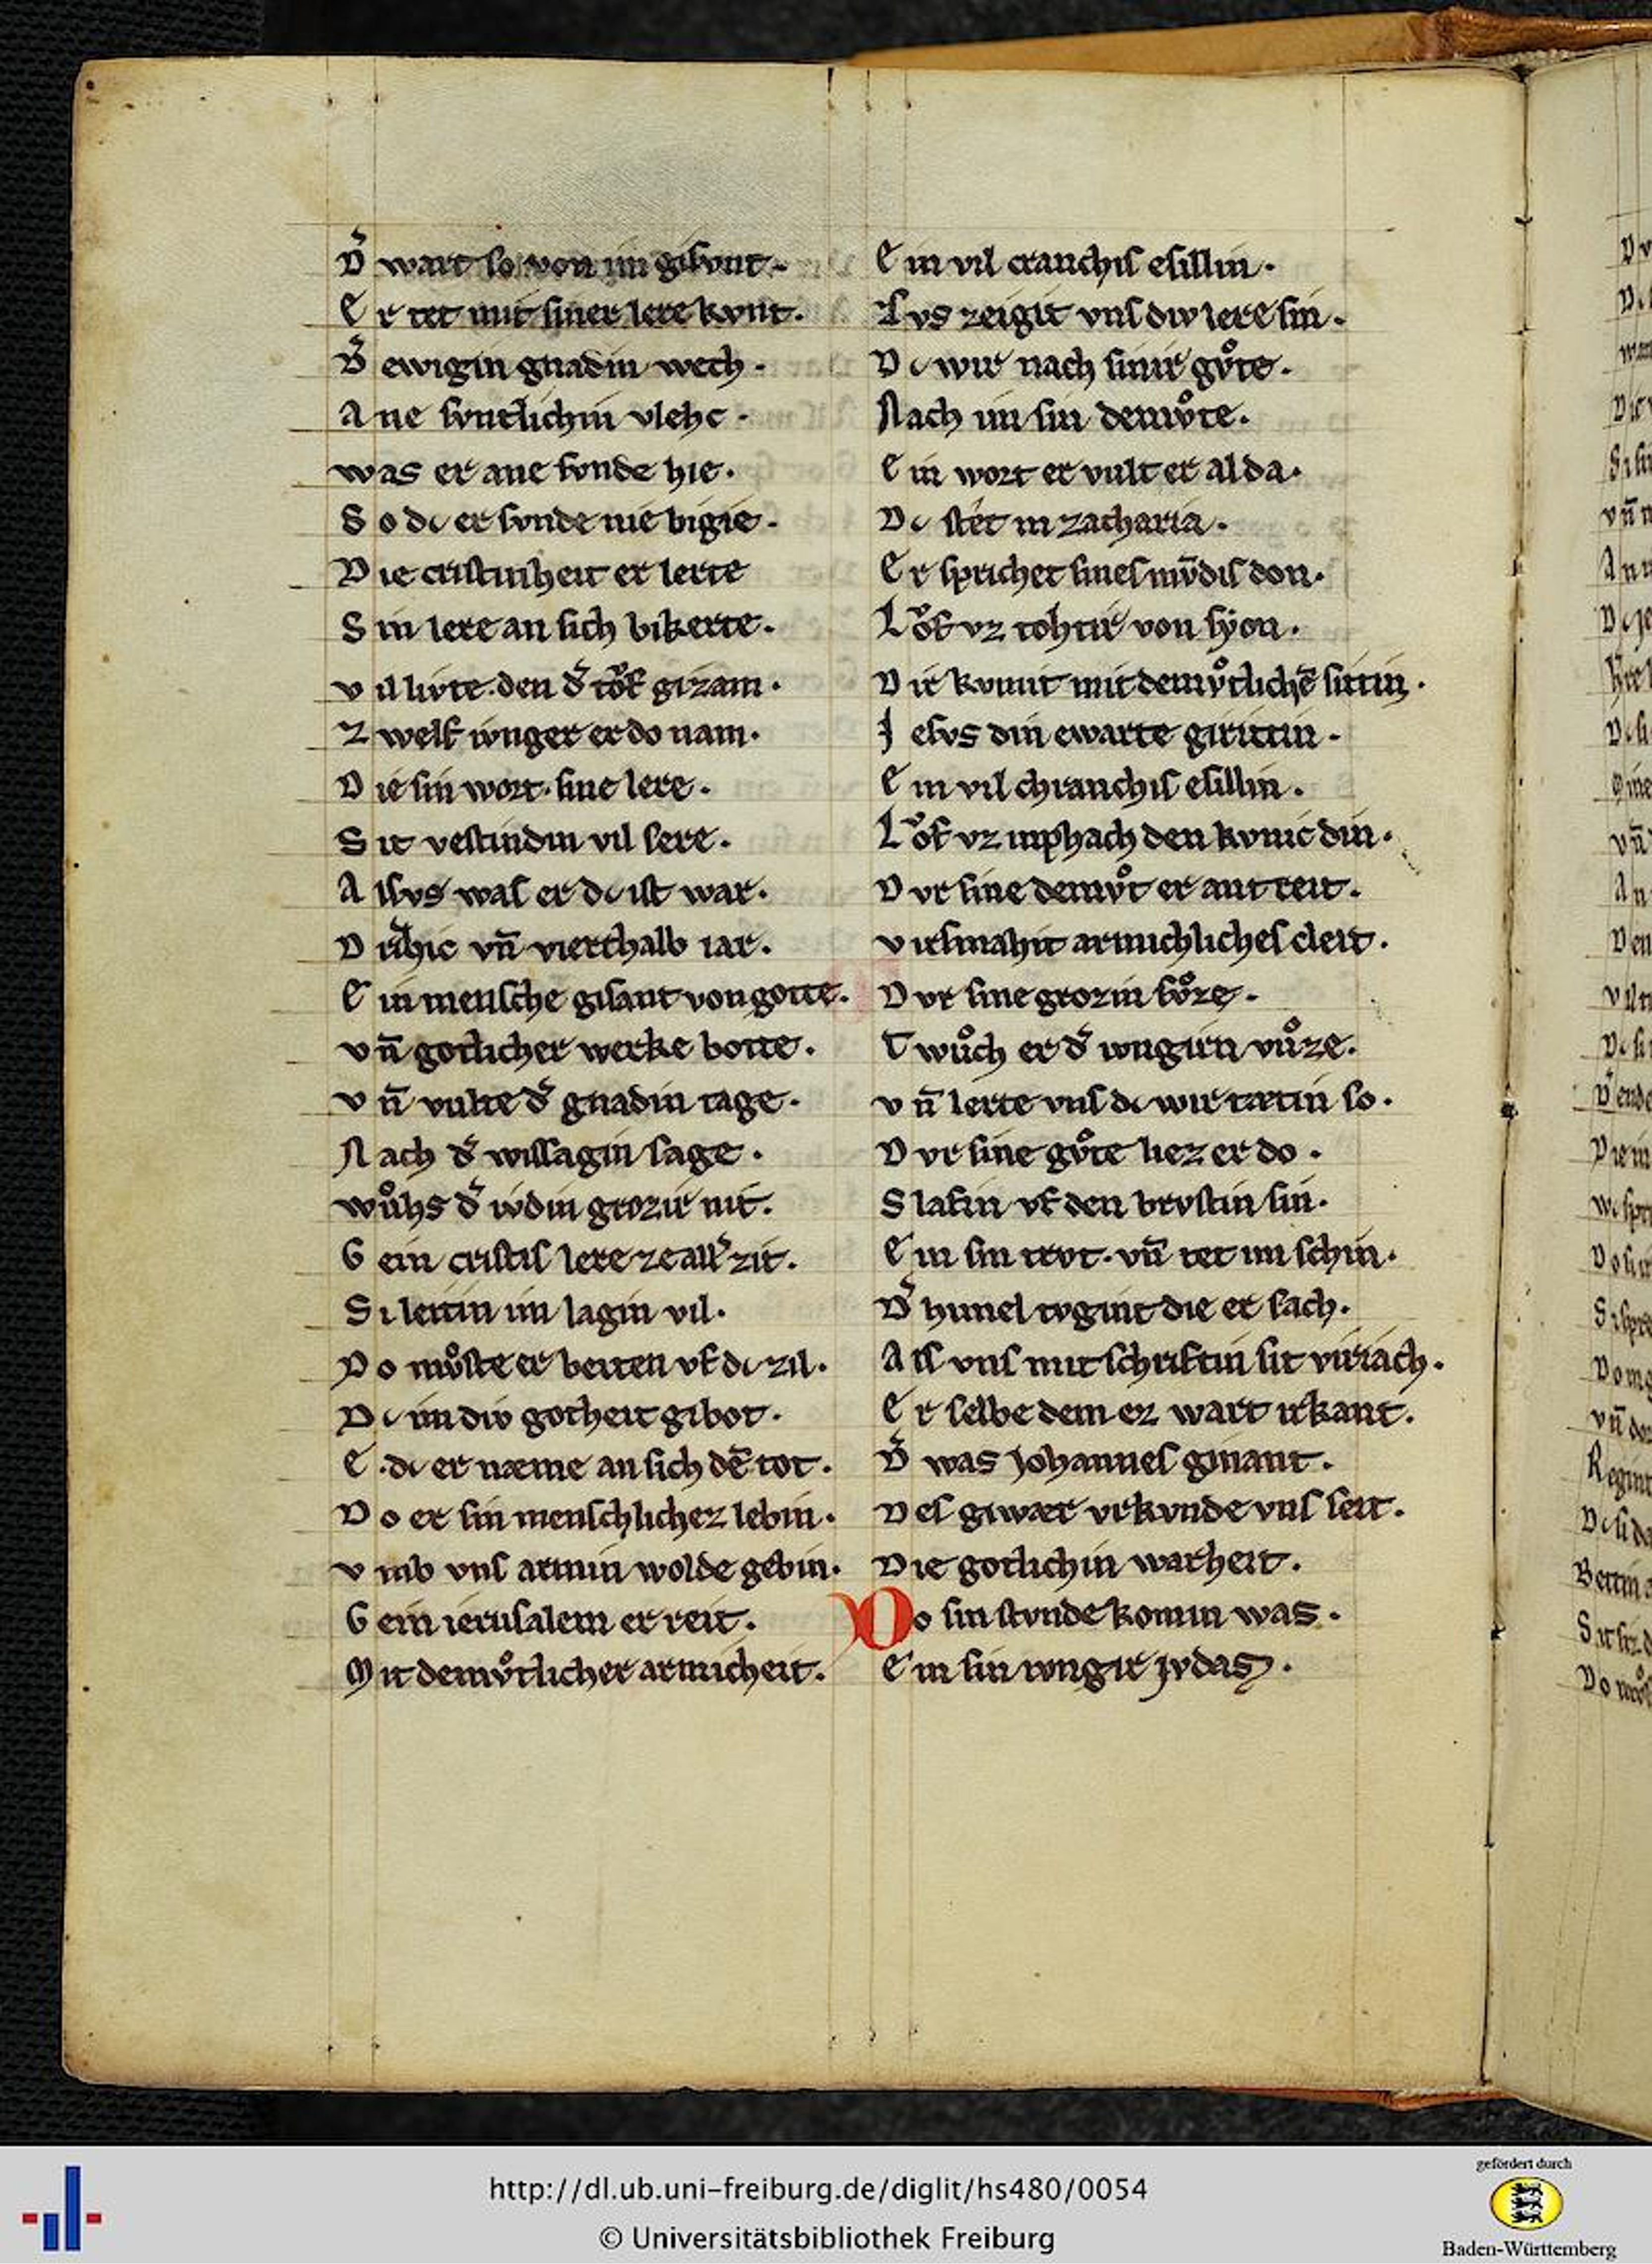D(er) wart ſo von im geſvnt.
Er tet mit ſiner lere kvnt.
D(er) ewigin gnadin wech.
Ane ſvntlichin vlehc.
was er ane ſvnde hie.
So d(az) er ſvnde nie bigie.
Die criſtinheit er lerte.
Sin lere an ſich bikerte.
Vil livte. den d(er) to°vf gizam.
Zwelf ivnger er do nam.
Die ſin wort. ſine lere.
Sit veſtindin vil ſere.
Alſvs waſ er d(az) iſt war.
Dri?ic vn(d) vierthalb iar.
Ein menſche giſant von gotte.
Vn(d) gotlicher werke botte.
Vn(d) vulte d(er) gnadin tage.
Nach d(er) wiſſagin ſage.
Wu°ohs d(er) ivdin grozir nit.
Gein criſtiſ lere ze all(er) zit.
Si leitin im lagin vil.
Do mv°oſte er beiten vf d(az) zil.
D(az) im div gotheit gibot.
E. d(az) er n[ae]me an ſich de(n) tot.
Do er ſin menſchlichez lebin.
Vmb vnſ armin wolde gebin.
Gein ieruſalem er reit.
Mit demv°otlicher armicheit.
Ein vil cranchis eſillin.
ſvs zeigit vnſ div lere ſin.
D(az) wir nach ſinir gv°ote.
Nach im ſin demv°ote.
Ein wort er vult er alda.
D(az) ſtet in zacharia.
Er ſprichet ſineſ mv(n)diſ don.
Lo°vf vz tohtir von ſyon.
Dir kvmit mit demv°otliche(n) ſittin.
Jeſvs din ewarte girittin.
Ein vil chranchis eſillin.
Lo°vf vz imphach den kvnic din.
Dvr ſine demv°ot er antreit.
Virſmahit armichlicheſ cleit.
Dvr ſine grozin ſv°oze.
Twu°och er d(er) ivngirn vu°oze.
Vn(d) lerte vnſ d(az) wir t[ae]tin ſo.
Dvr ſine gv°ote liez er do.
Slafin vf den brvſtin ſin.
Ein ſin trvt. vn(d) tet im ſchin.
D(er) himel tvgint die er ſach.
Alſ vnſ mit ſchriftin ſit viriach.
Er ſelbe dem ez wart irkant.
D(er) was Johanneſ ginant.
Deſ giw[ae]r vrkvnde vnſ ſeit.
Die gotlichin warheit.
*Do ſin ſtvnde komin was.
Ein ſin ivngir Jvdas.